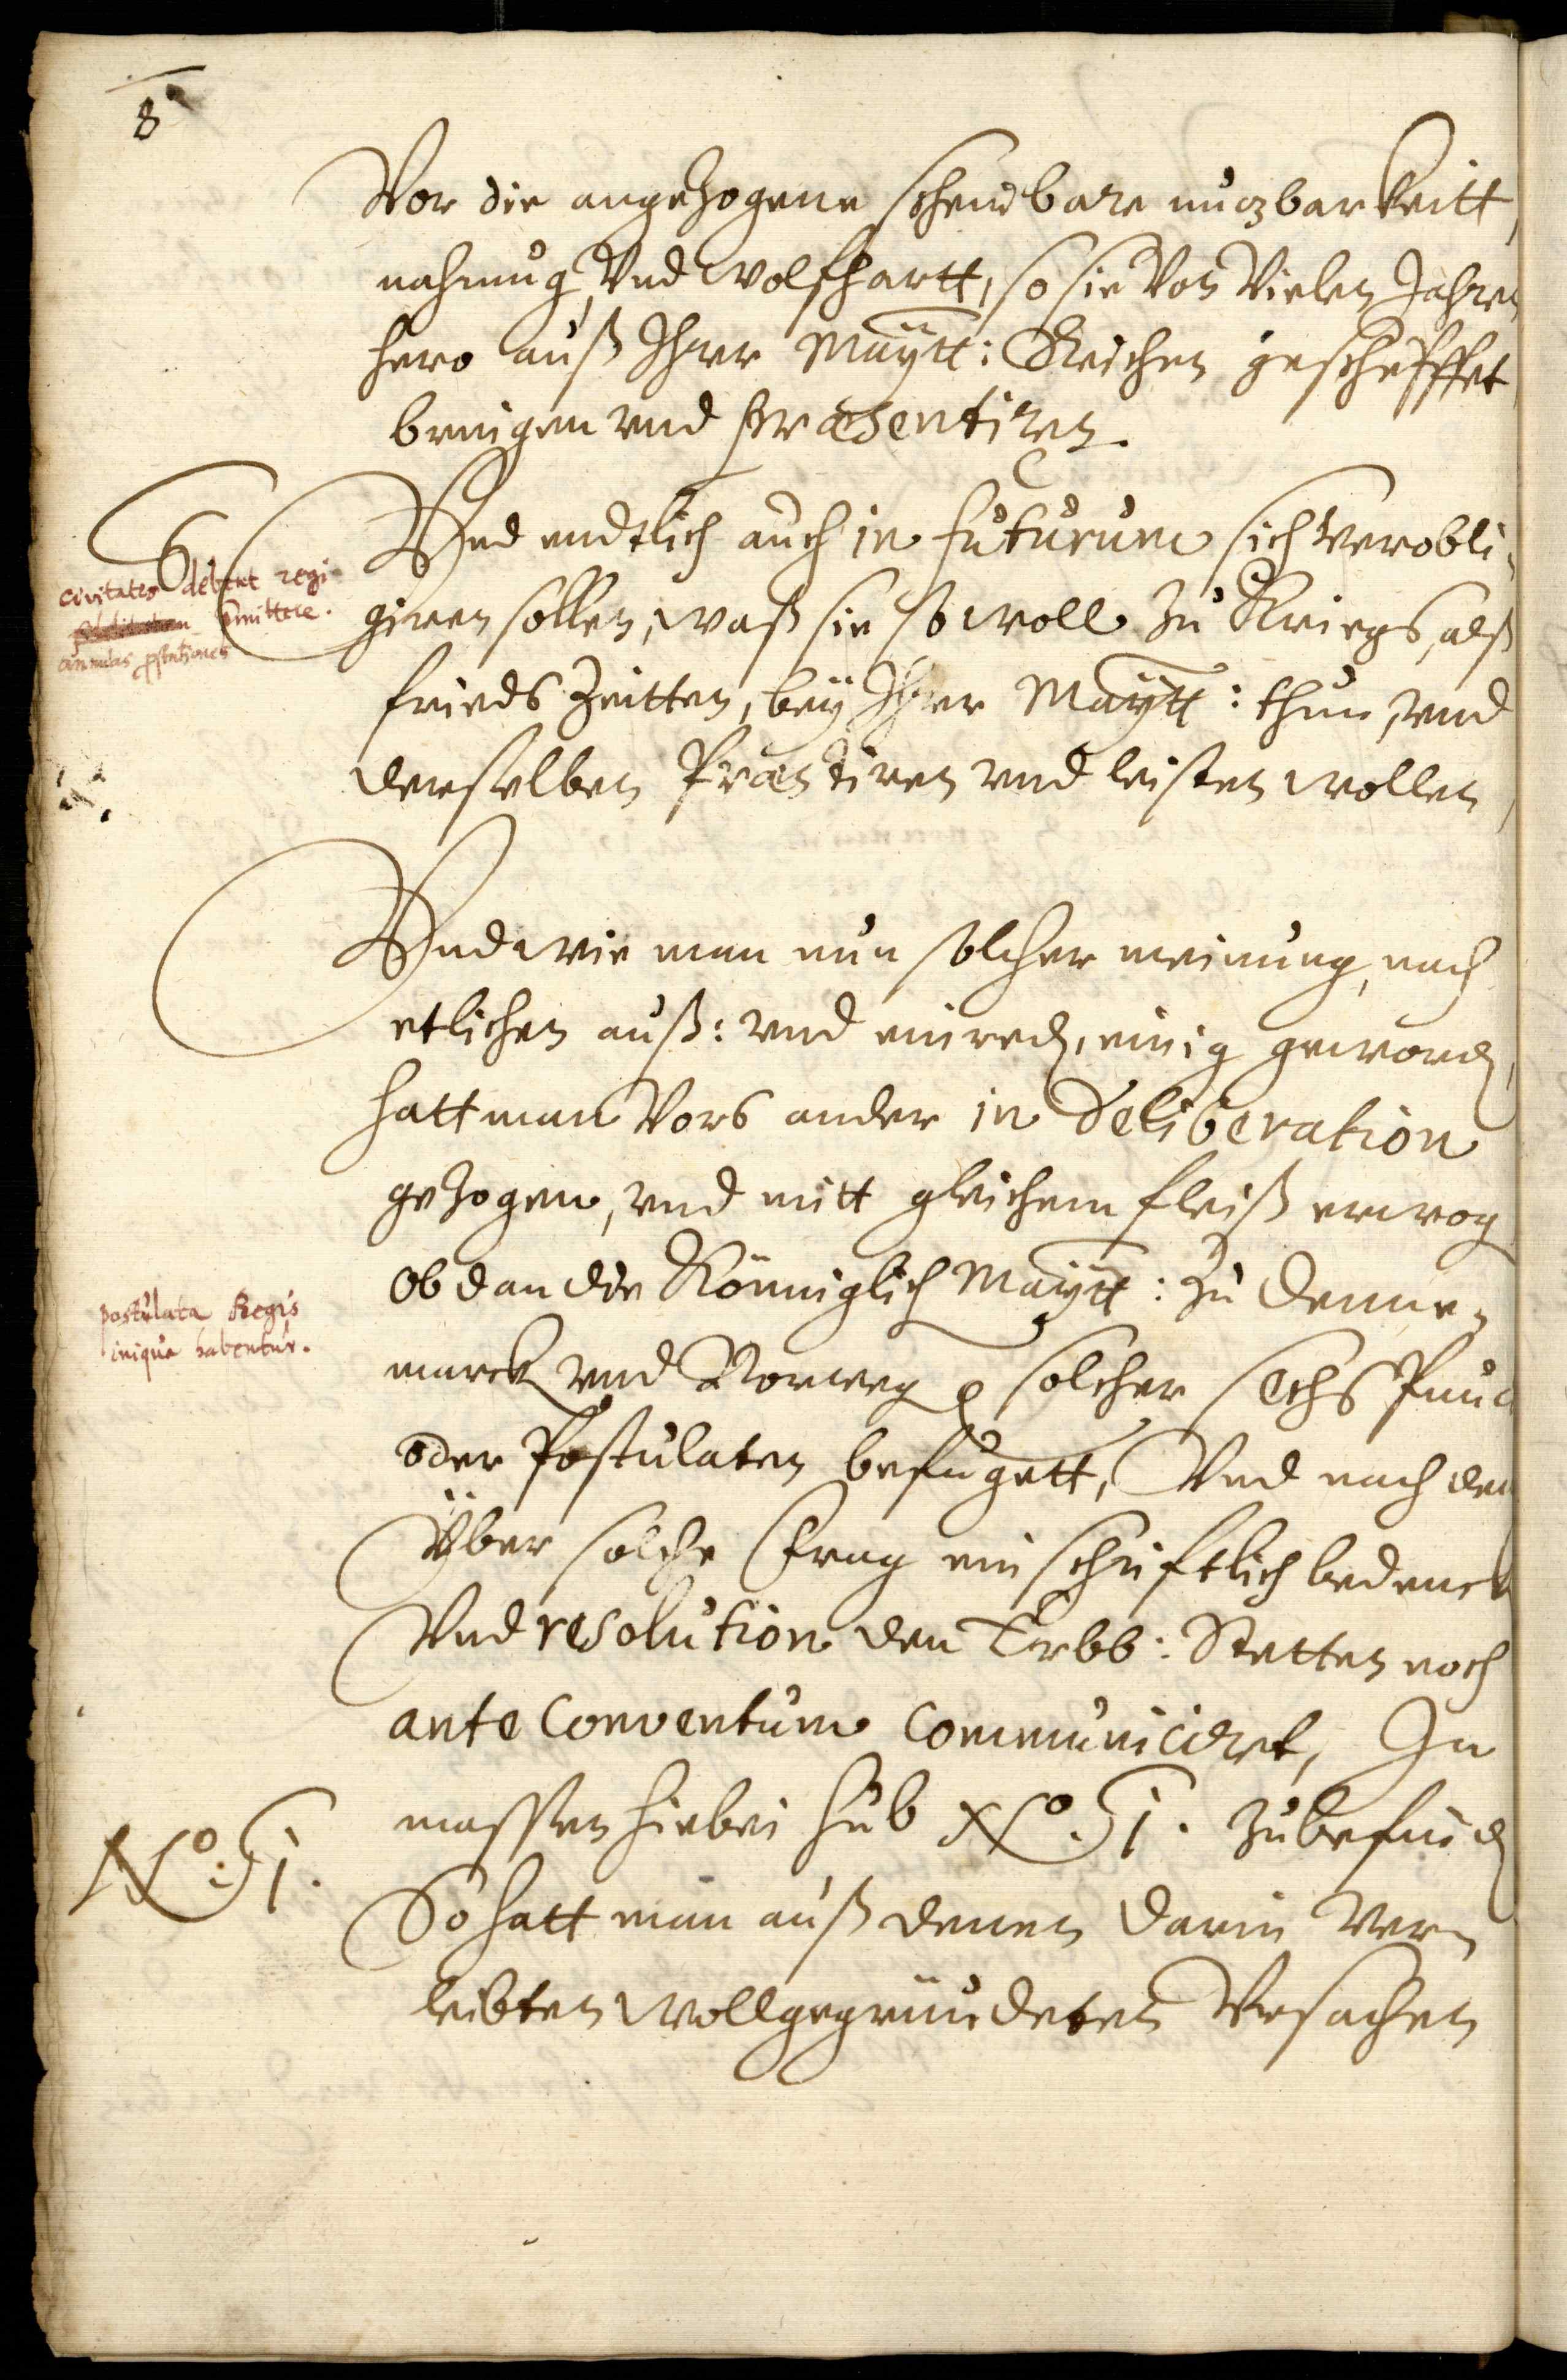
8
Vor die angezogene scheinbare nutzbarkeitt,
Vnd endtlich auch in futurum sich verobli¬
nahrung, Vnd wolfhartt, so sie von vielen Jahren
hero auß Ihrer Maijtt: Reichen gescheppfet,
bringen vnd praesentiren.
Vnd endtlich auch in futurum sich verobli¬
giren sollen, waß sie so woll zu Kriegs, alß
frieds zeitten, beij Ihrer Maijtt: thun, vnd
derselben Praestiren vnd leisten wollen,
6
civitates debent regi
feniumam omittere.
annuas praestationes
Vnd wie man nun solcher meinung, nach
etlichen auß: vnd einreden, einig geworden,
hatt man Vors ander in deliberation
gezogen, vnd mitt gleichem fleiß erwogen
Ob dan die Könniglichen Maijtt: zu Denne¬
marcken vnd Norwegen solcher sechs Punc
oder Postulaten befugett, Vnd nach dem
vber solche Frag ein schriftlich bedenck
Vnd resolution den Erbb: Stetten noch
ante Conventum communiciret, In
massen hiebei sub No 1. zubefinden
So hatt man auß denen darin ver¬
leibten wollgegründeten Vrsachen
postulata Regis
iniqua habentur.
No 1
